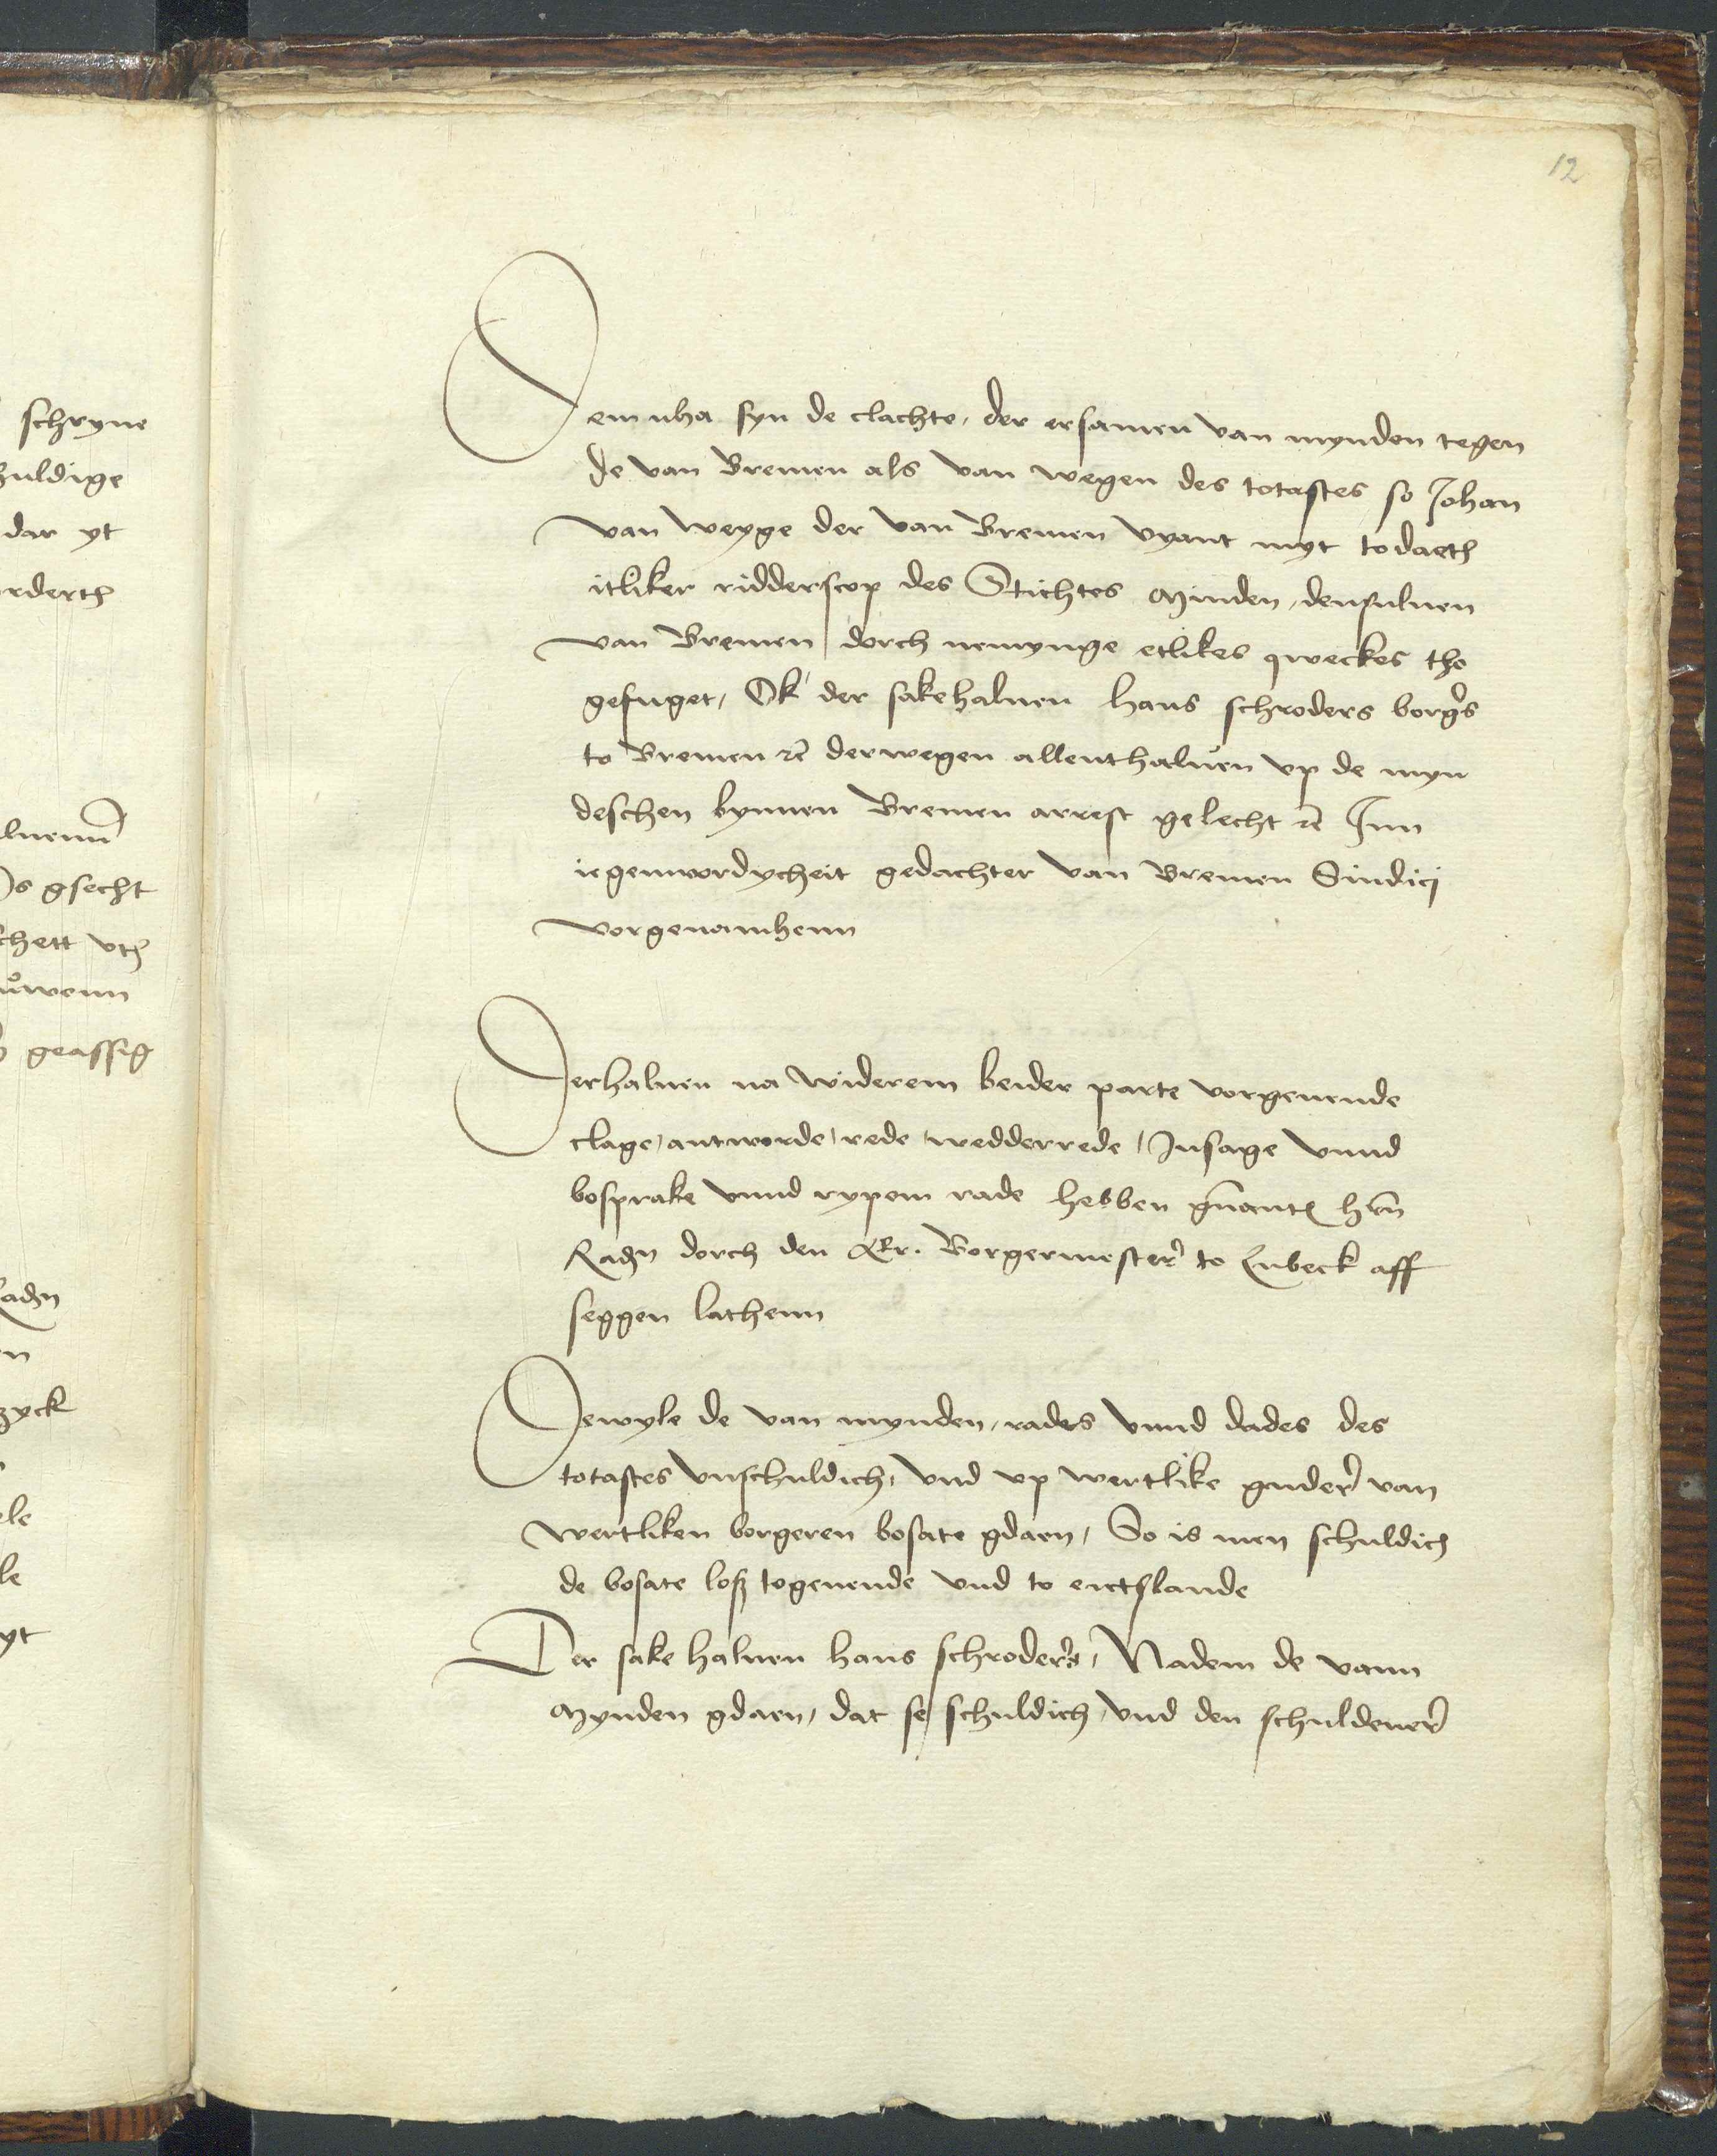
Dem nha syn de clachte, der ersamen van mynden tegen
den van Bremen als van wegen des totastes so Johan
van weyge der van Bremen viant nyt todaeth
itliker ridderscop des Stichtes minden densuluen
van Bremen dorch nemynge etlikes qweckes tho
gefuget, ok der sake haluen hans schroders borgers
to Bremen etc derwegen allenthaluen vp de myn¬
deschen bynnen Bremen arrest gelecht etc Inn
iegenwordycheit gedachter van Bremen Sindici
vorgenamhenn
Derhaluen na widerem beider parte vorgeuende
clage, antworde, rede, wedderrede, Jnsage vnnd
bosprake vnnd rypem rade hebben genanten hern
Radessendebaden dorch den E. Borgermester to Lubeck aff¬
seggen lathen
Dewyl de van mynden rades vnnd dades des
totastes vnschuldich, vnd vp wertlike guder van
wertliken borgeren bosate gdaen, So is men schuldich
de bosate loß togeuende vnd to entslande
Der sake haluen hans schroder, Nadem de vann
mynden gdaen, dat se schuldich, vnd den schuldener
